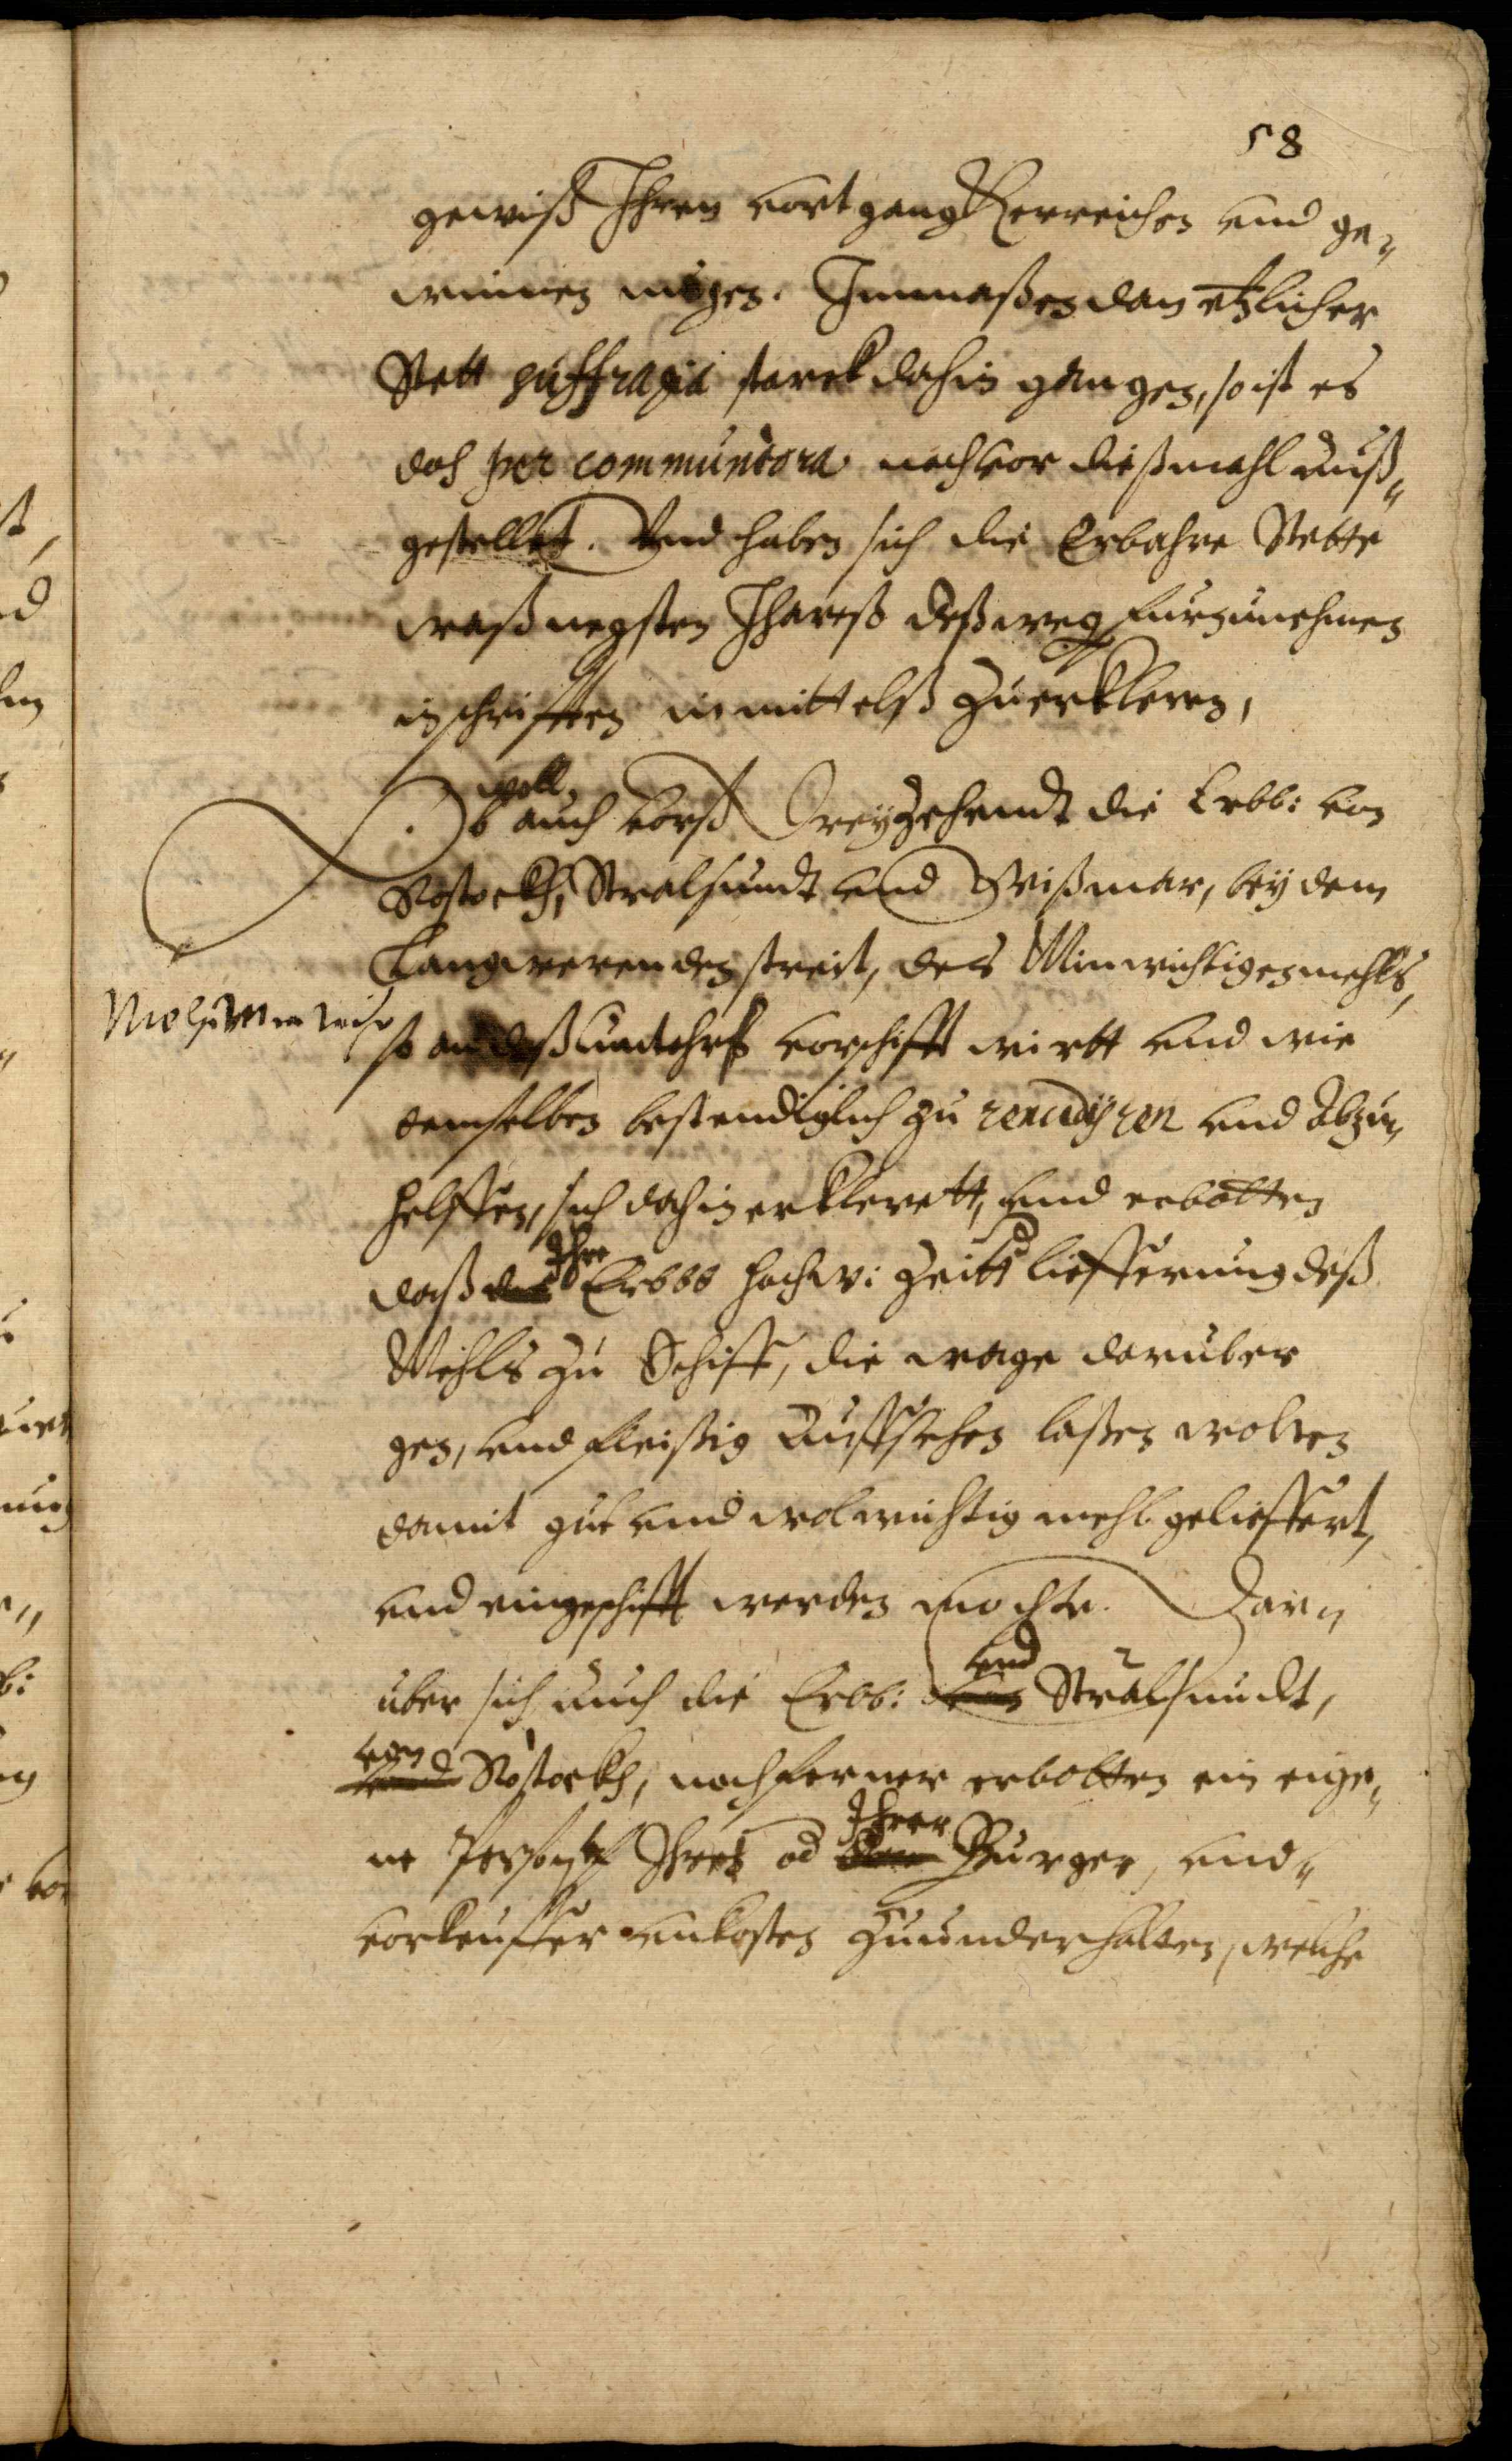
58
gewiß Ihren vortgangk erreichen vnd ge¬
winnen mugen. Immaßen etzlicher
Stett suffragia starck dahin gangen,so ist es
doch per communiora nach vor dießmahl Auß¬
gestellet, Vnd haben sich die Erbahre Stette
waß negsten Jhareß deßwegen furzunehmen
in schrifften inmittelß zuerkleren,
Ob woll auch vorß Dreijzehendt die Erbb: von
Rostockh, Stralsundt vnd Wißmar, beij dem
Langewerenden streit, des Minwichtigen mehls,
so an daß Cuntohrß vorschifft wirtt vnd wie
demselben bestendiglich zu rencidijren vnd Abzu¬
helffen, sich dahin erklerett, vnd erbotten
daß der Ihre Erbb hochw. zeitt der liefferung deß
Mehls zu Schiff, die wage daruber
gen, vnd fleißig Auffsehen laßen wolten
damit gut vnd wolwichtig mehl gelieffert,
vnd eingeschifft werden mochte. Dar¬
uber sich Auch die Erbb: von vnd Stralsundt,
von Rostockh, noch ferner erbotten ein eige¬
ne Person vf Ihres oder dene Ihrer Burger, vnd¬
vorkauffer vnkosten zuunderhalten, welche
Mel pMinwicht
